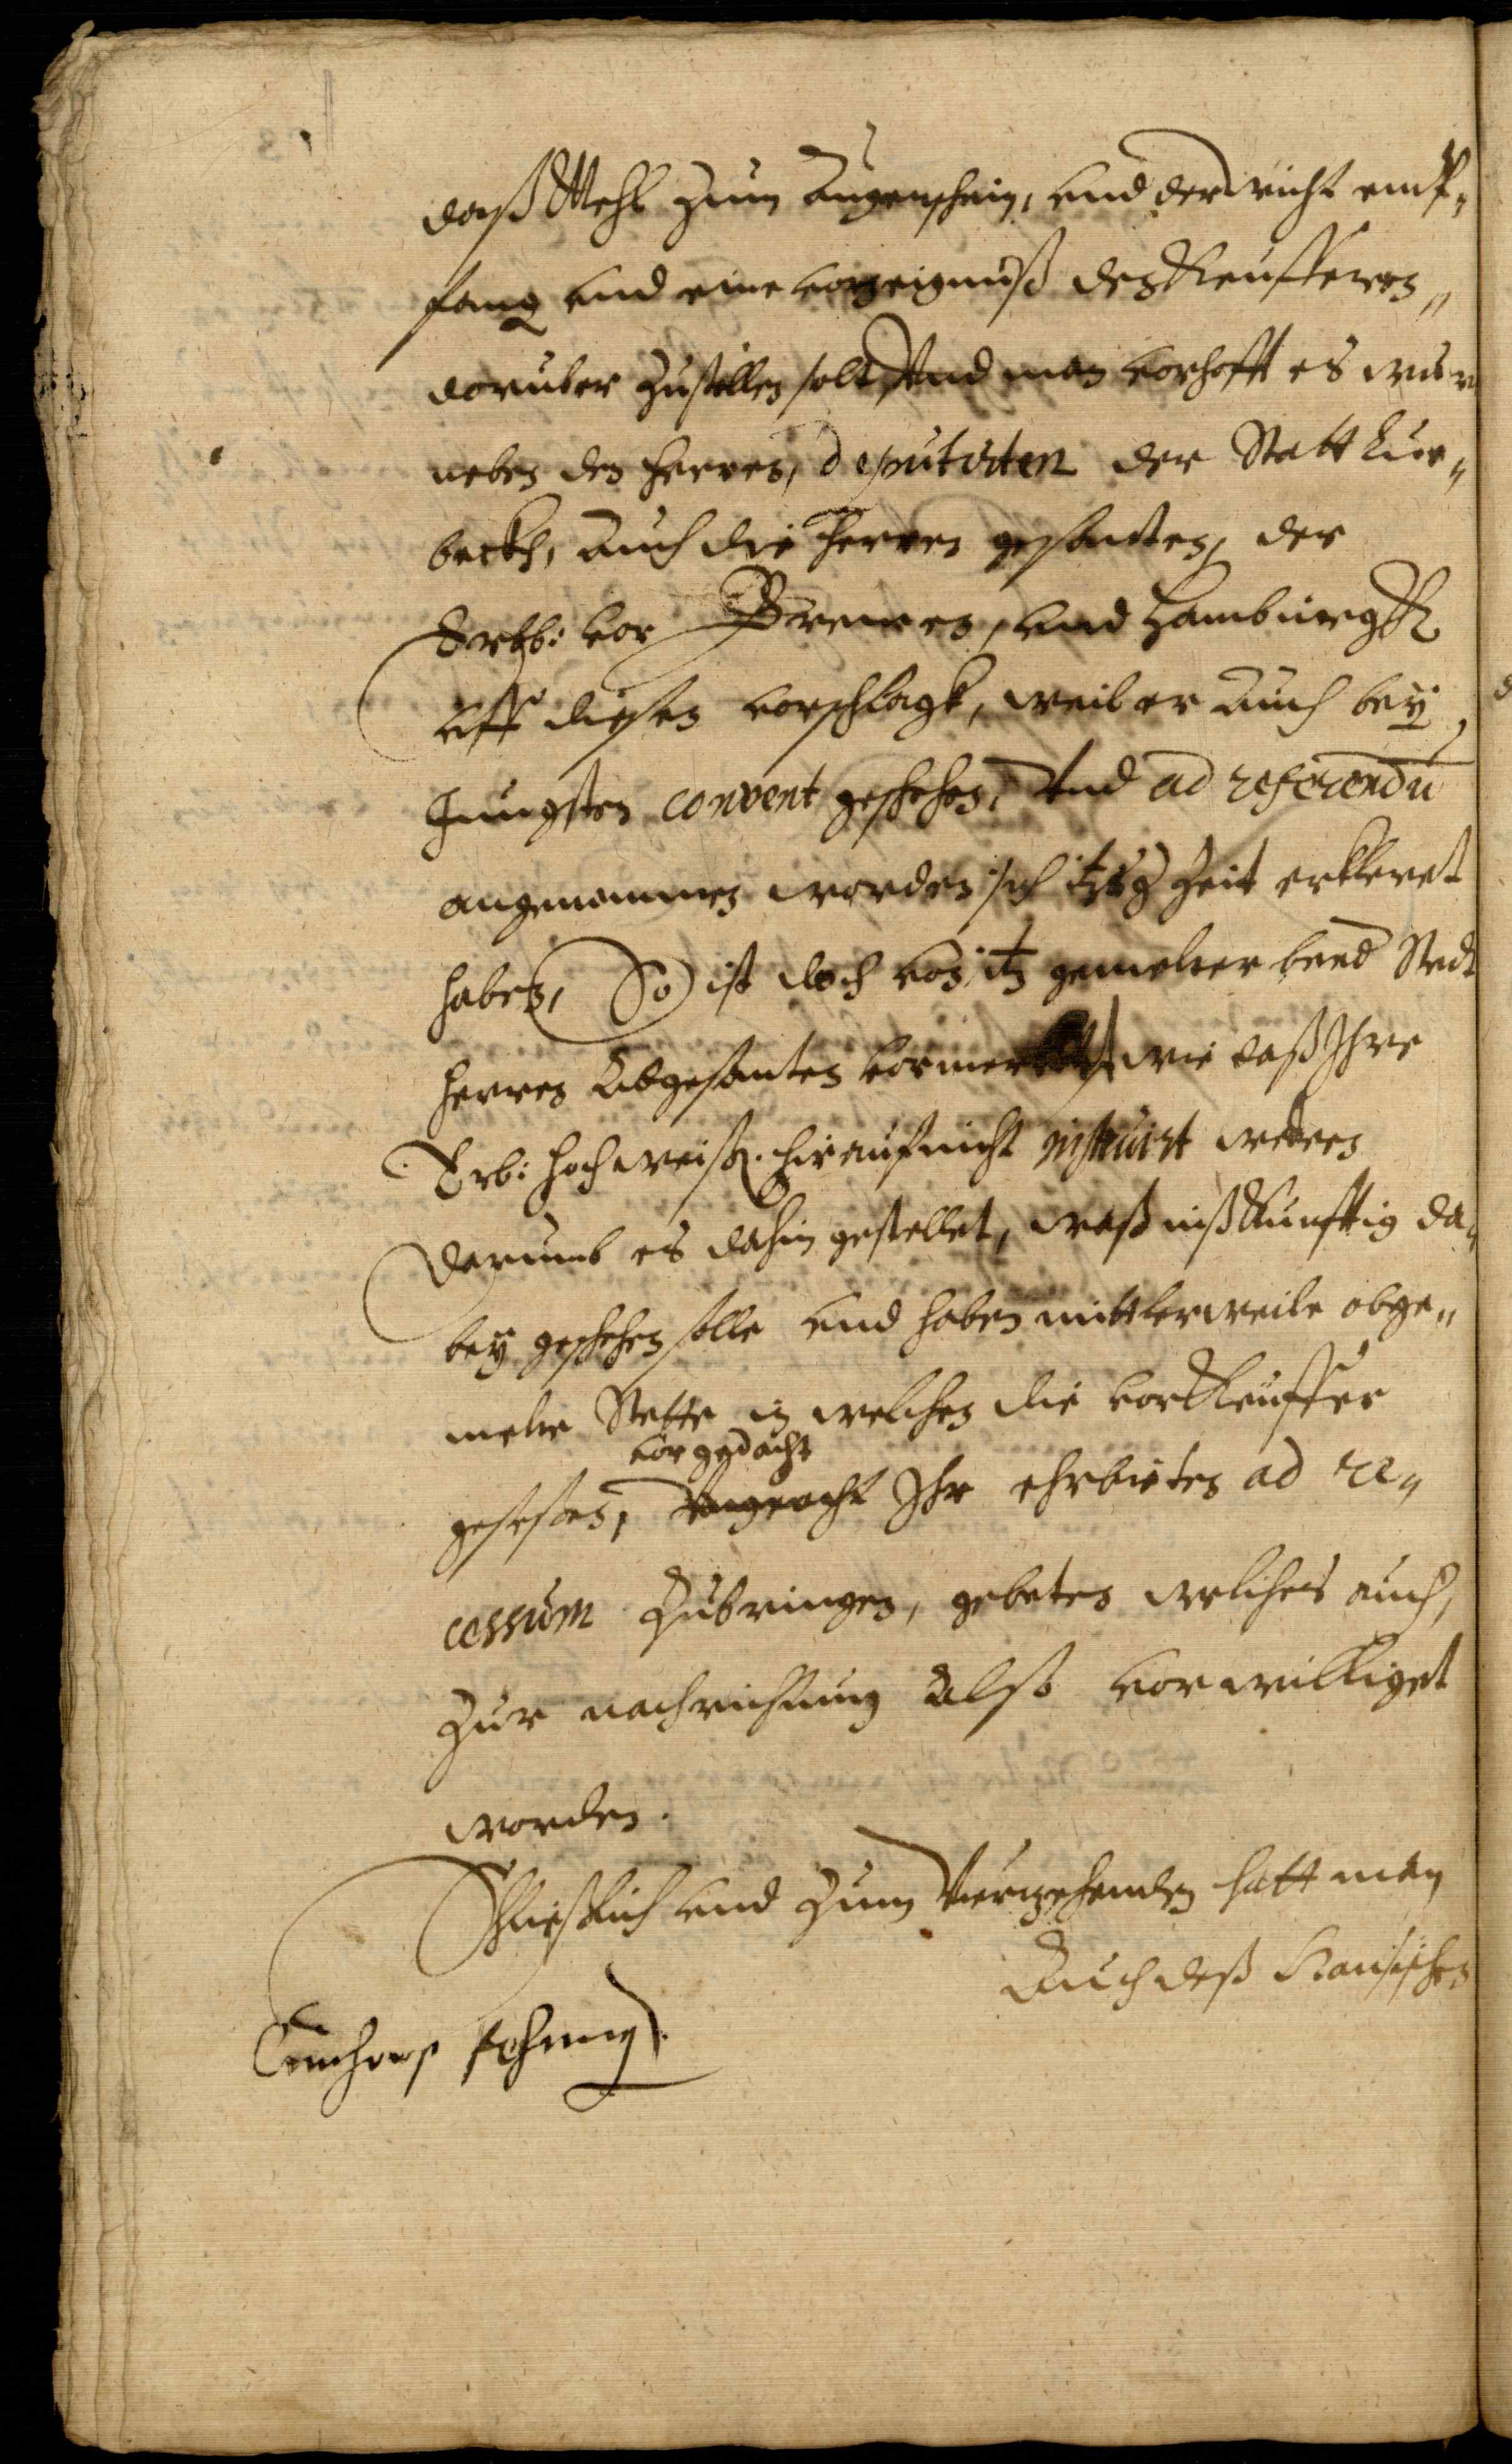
daß Mehl zum Augenschein, vnd der Wicht emp¬
fangen vnd eine voreignuß des Keufferen¬
daruber zu stellen solt, Vnd man vorhofft es wider
neben den herren deputirten der Statt Lue¬
beckh, Auch die herren gesanten, der
Erbb: vor Bremen, vnd Hamburgk
vff diesen vorschlagk, weil er Auch beij
Jungsten convent geschehen, Vnd ad referendum
angenommen worden sich itziger zeit erkleret
haben, So ist doch von itz gemelter beeder Stedt
herren Abgesanten vormerkett wie daß Ihre
Eb: hochweisen hir auf nicht instruirt worden
Darumb es dahin gestellet, waß inß Kunfttig da¬
beij geschehen solle vnd haben mittlerweile obge¬
melte Stette in welchen die vorkeuffer
geseßen, vngeacht vorgedacht Ihr ehrbieten ad re¬
cessum zubringen, gebeten welches auch,
zur nachrichtung Alß vorwilliget
worden.
Schließlich vnd zum Vierzeheden hatt man
Auch deß Hansischen
Cunthors Rehungen
